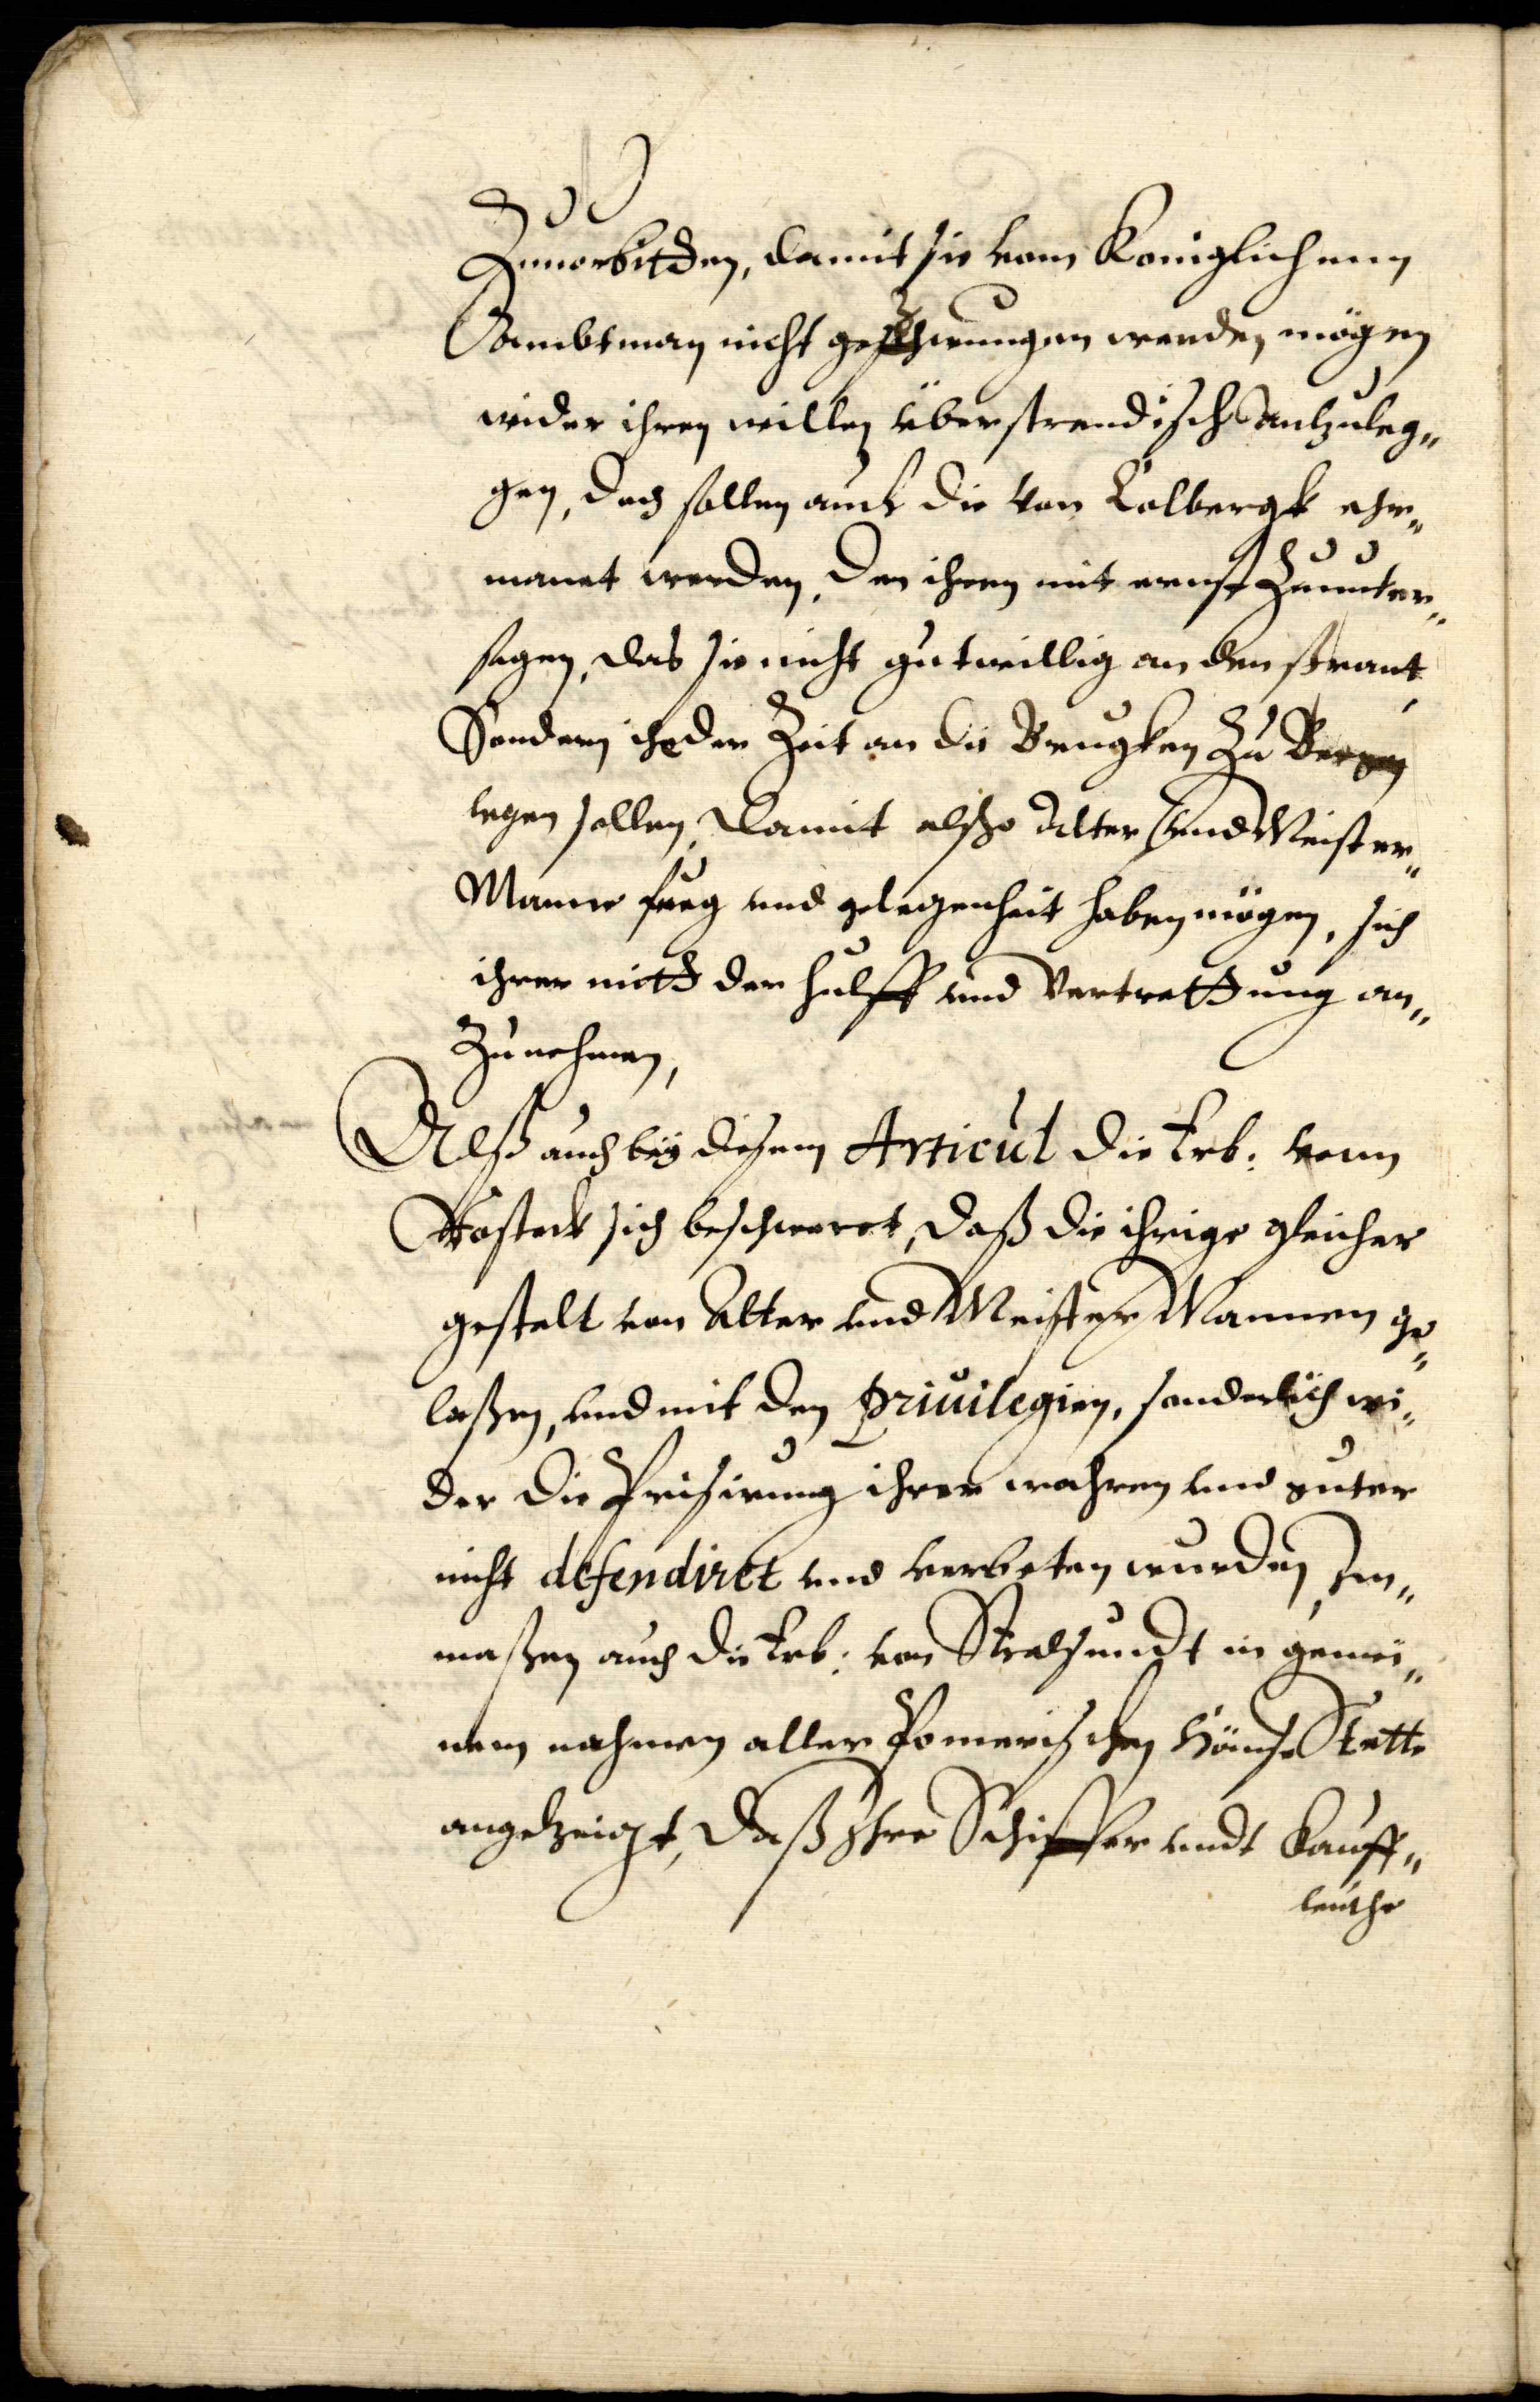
Zuuorbitten, damit sie vom Koniglichenn
Ambtman nicht geschzwungen werden mögen
wider ihren willen vberstrandisch Antzuleg¬
gen, doch sollen auch die von Colbergk ehr¬
manet werden, den ihren mit ernst zuunter¬
sagen, das sie nicht gutwillig an den strant,
Sondern iheder Zeit an die Brugken zu Bergen
legen sollen, damit alßo Alter vnd Meister¬
Manne fueg vnd gelegenheit haben mögen, sich
ihrer mitt dem hulff vnd Vertrettung an¬
zunehmen,
Alß auch beij diesem Articul die Erb: vonn
Rostock sich beschweret, daß die ihrige gleicher
gestalt von Alter vnd Meister Mannen ge¬
laßen, vnd mit den priuilegien, sonderlich wi¬
der die Prisirung ihrer wahren vnd guter
nicht defendiret vnd verbeten wurden, Im¬
maßen auch die Erb: von Stralsundt in gemei¬
nem nahmen aller Pomerischen Hänse Stette
angetzeigt, daß Ihre Schiffer vndt Kauff¬
leuthe
